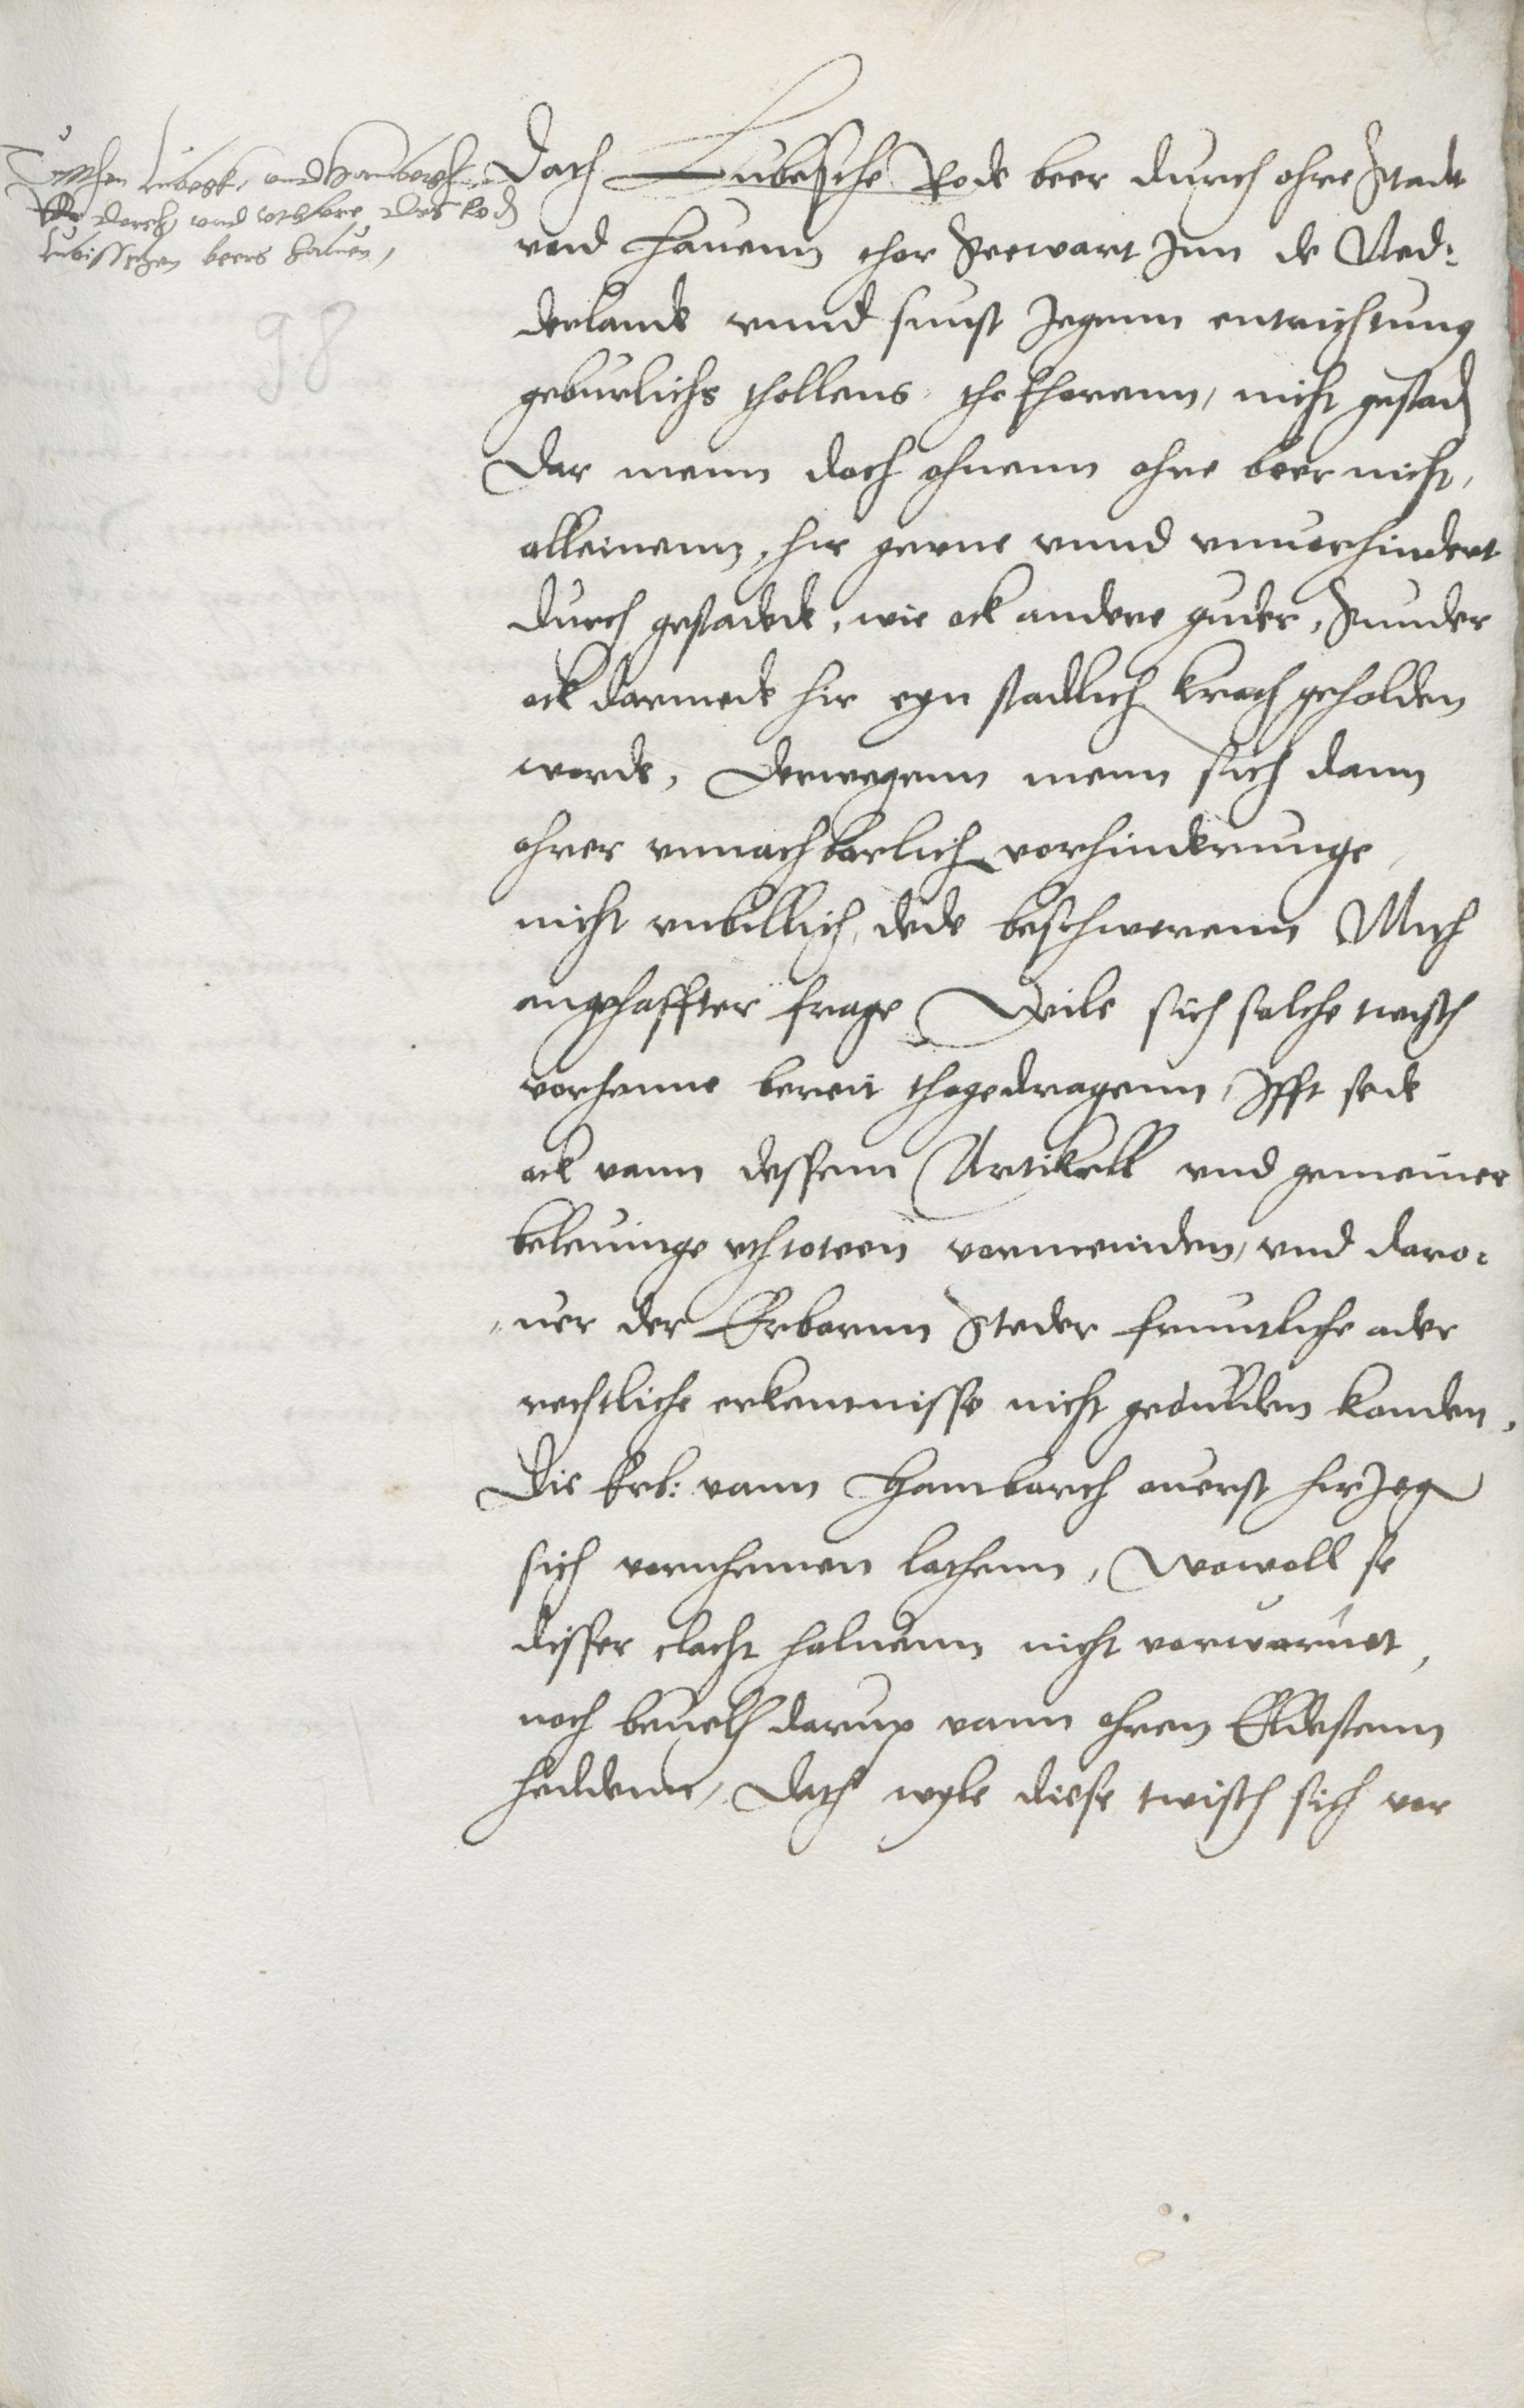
Dath Lubesche Rode beer durch ohre Stadt
vnd hauenn thor Seewart jnn de Ned¬
derlande vnnd sunst jegenn entrichtung
geburlichs thollens tho fhorenn, nicht gestaden
Dar menn doch ohnenn ohre beer nicht,
alleinenn, hir gerne vnnd vnuerhindert
durch gestadede, wie ock andere guder, Sunder
ock darmede hir eyn stadlichen krach geholden
worde, Derwegenn menn sich dann
ohrer vnnachborlichen vorhinderunge,
nicht vnbillich, dede beschwerenn Mith
angehaffter frage Wile sich solche twisth
vorhenne bereit thogedragenn, jfft se de
ock vann dessem Artikell vnd gemeiner
beleuinge vthtoteen vormeinden, vnd daro¬
uer der Erbarnn Steder fruntliche ader
rechtliche erkentnisse nicht gedulden konden,
Die Erb: vann Hamborch ouerst hirjegen
sich vornhemen lathenn, Wowoll se
disser clacht haluenn nicht vorwarnet,
noch beuelh darup vann ohren Eldestenn
heddenn, Dath wyle diese twisth sich vor
Tusschen Lubegk, vnd Hamborgh
Vd dorch, vnd vthfore des Roden
Lubisschen beers haluen,
